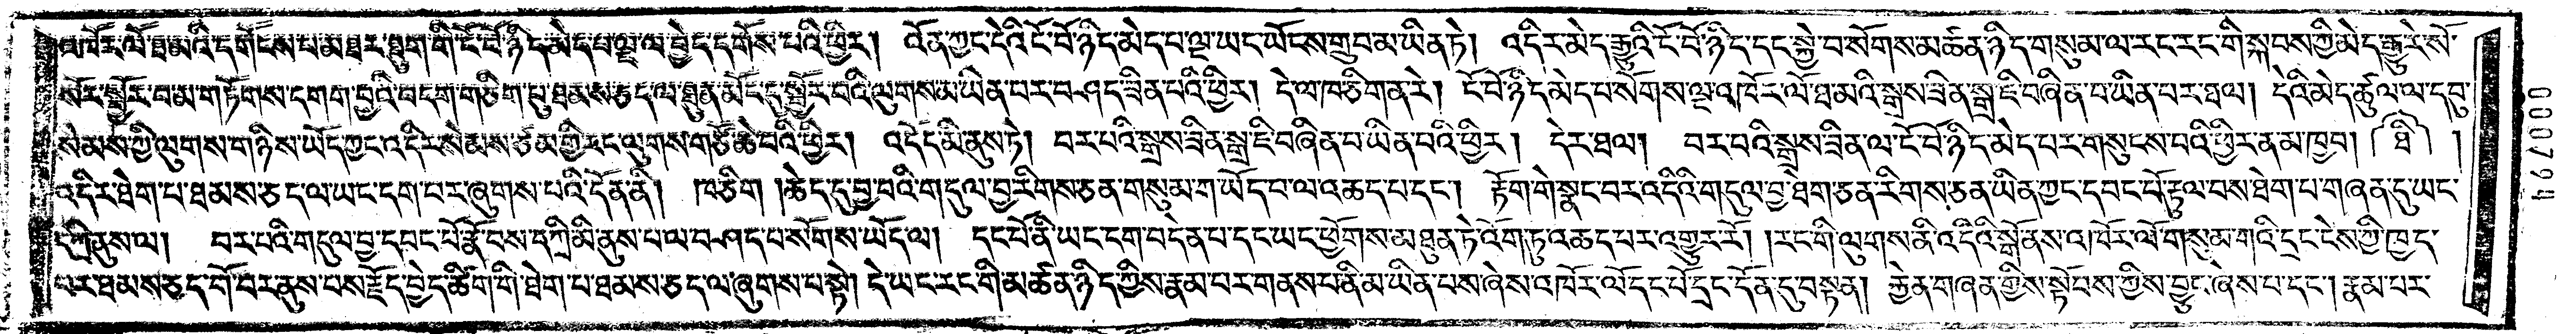འཁོར་ལོ་ཐ་མའི་དགོངས་པ་མཐར་ཐུག་གི་ངོ་བོ་ཉིད་མེད་པ་ལྔ་ལ་བྱེད་དགོས་པའི་ཕྱིར། འོན་ཀྱང་དེའི་ངོ་བོ་ཉིད་མེད་པ་ལྔ་ཡང་ཡོངས་གྲུབ་མ་ཡིན་ཏེ། འདིར་མེད་རྒྱུའི་ངོ་བོ་ཉིད་དང་སྐྱེ་བ་སོགས་མཚན་ཉིད་གསུམ་ལ་རང་རང་གི་སྐབས་ཀྱི་མེད་རྒྱུ་རེ་སོ་
སོར་སྦྱོར་བ་མ་གཏོགས་དགག་བྱའི་བདག་གཅིག་པུ་ཐམས་ཅད་ལ་ཐུན་མོང་དུ་སྦྱོར་བའི་ལུགས་མ་ཡིན་པར་བཤད་ཟིན་པའི་ཕྱིར། དེ་ལ་ཁ་ཅིག་ན་རེ། ངོ་བོ་ཉིད་མེད་པ་སོགས་ལྔ་འཁོར་ལོ་ཐ་མའི་སྒྲས་ཟིན་སྒྲ་ཇི་བཞིན་པ་ཡིན་པར་ཐལ། དེའི་མེད་ཚུལ་ལ་དབུ་
སེམས་ཀྱི་ལུགས་གཉིས་ཡོད་ཀྱང་འདིར་སེམས་ཙམ་གྱི་རང་ལུགས་གཙོ་ཆེ་བའི་ཕྱིར། འདོད་མི་ནུས་ཏེ། བར་པའི་སྒྲས་ཟིན་སྒྲ་ཇི་བཞིན་པ་ཡིན་པའི་ཕྱིར། དེར་ཐལ། བར་པའི་སྒྲས་ཟིན་ལ་ངོ་བོ་ཉིད་མེད་པར་གསུངས་པའི་ཕྱིར་ན་མ་ཁྱབ། ༼ཐི༽ །
འདིར་ཐེག་པ་ཐམས་ཅད་ལ་ཡང་དག་པར་ཞུགས་པའི་དོན་ནི། ཁ་ཅིག །ཆེད་དུ་བྱ་བའི་གདུལ་བྱ་རིགས་ཅན་གསུམ་ག་ཡོད་པ་ལ་འཆད་པ་དང་། རྟོག་གེ་སྣང་བར་འདིའི་གདུལ་བྱ་ཐེག་ཆེན་རིགས་ཅན་ཡིན་ཀྱང་དབང་པོ་རྟུལ་བས་ཐེག་པ་གཞན་དུ་ཡང་
དཀྲི་ནུས་ལ། བར་པའི་གདུལ་བྱ་དབང་པོ་རྣོ་བས་དཀྲི་མི་ནུས་པ་ལ་བཤད་པ་སོགས་ཡོད་ལ། དང་པོ་ནི་ཡང་དག་བདེན་པ་དང་ཡང་ཕྱོགས་མཐུན་ཏེ་འོག་ཏུ་འཆད་པར་འགྱུར་རོ། །རང་གི་ལུགས་ནི་འདིའི་སྒོ་ནས་འཁོར་ལོ་གསུམ་གའི་དྲང་ངེས་ཀྱི་ཁྱད་
པར་ཐམས་ཅད་གོ་བར་ནུས་པས་རྗོད་བྱེད་ཚིག་གི་ཐེག་པ་ཐམས་ཅད་ལ་ཞུགས་པ་སྟེ། དེ་ཡང་རང་གི་མཚན་ཉིད་ཀྱིས་རྣམ་པར་གནས་པ་ནི་མ་ཡིན་པས་ཞེས་འཁོར་ལོ་དང་པོ་དྲང་དོན་དུ་བསྟན། རྐྱེན་གཞན་གྱིས་སྟོབས་ཀྱིས་བྱུང་ཞེས་པ་དང་། རྣམ་པར་